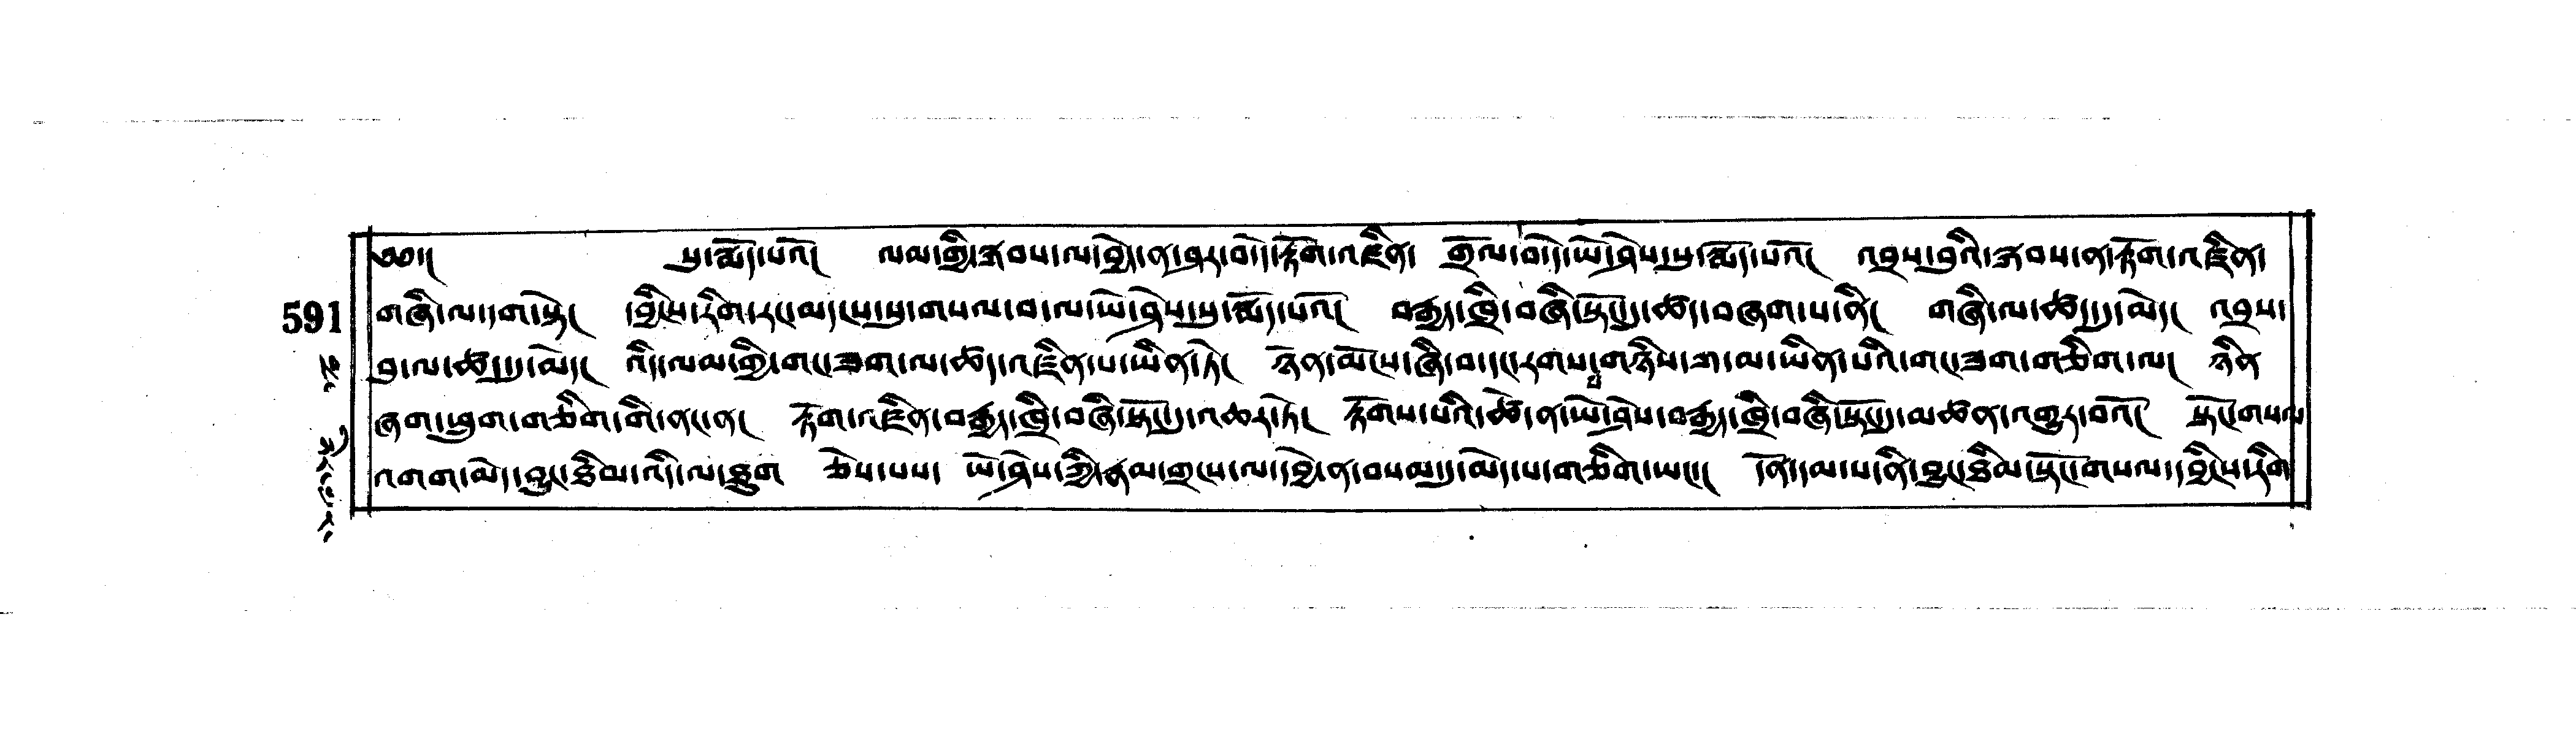སུ་སྨོས་པའོ། ལམ་གྱི་སྐབས་ལ་བྱེད་ན་ཤར་བ་དེ་རྟོག་འཛིན། གྲོལ་བ་དེ་ཡེ་ཤེས་སུ་སྨོས་པའོ། འབྲས་བུའི་སྐབས་ན་རྟོག་འཛིན་
གཞི་ལ་དག་སྟེ། དབྱིངས་རིག་རང་མདངས་སུ་གསལ་བ་ལ་ཡེ་ཤེས་སུ་སྨོད་པའོ། བརྒྱད་ཁྲི་བཞི་སྟོང་དུ་ཚད་བཞག་པ་ནི། གཞི་ལ་ཚད་དུ་མེད། འབྲས་
བུ་ལ་ཚད་དུ་མེད། འདི་ལམ་གྱི་གང་ཟག་ལ་ཚད་འཛིན་པ་ཡིན་ཏེ། ཉོན་མོངས་ཞི་བ་དང་རགས་པ་གཉིས་ཀ་མ་ཡིན་པའི་གང་ཟག་གཅིག་ལ། ཉིན་
ཞག་ཕྲུག་གཅིག་གི་ནང་ན། རྟོག་འཛིན་བརྒྱད་ཁྲི་བཞི་སྟོང་དུ་འཆར་སྟེ། རྟོགས་པའི་ཚེ་ན་ཡེ་ཤེས་བརྒྱད་ཁྲི་བཞི་སྟོང་དུ་མཚན་འགྱུར་བའོ། སྟོང་གསལ་
འགག་མེད་བྱུང་ཐིམ་འདི་ལ་ཐུག ཅེས་པས། ཡེ་ཤེས་ཀྱི་རྣམ་གྲངས་ལ་དབྱེ་ན་བསམ་དུ་མེད་པ་གཅིག་ཡང་། དོན་དམ་པ་ནི་བྱུང་ཐིམ་སྟོང་གསལ་དབྱིངས་རིག་